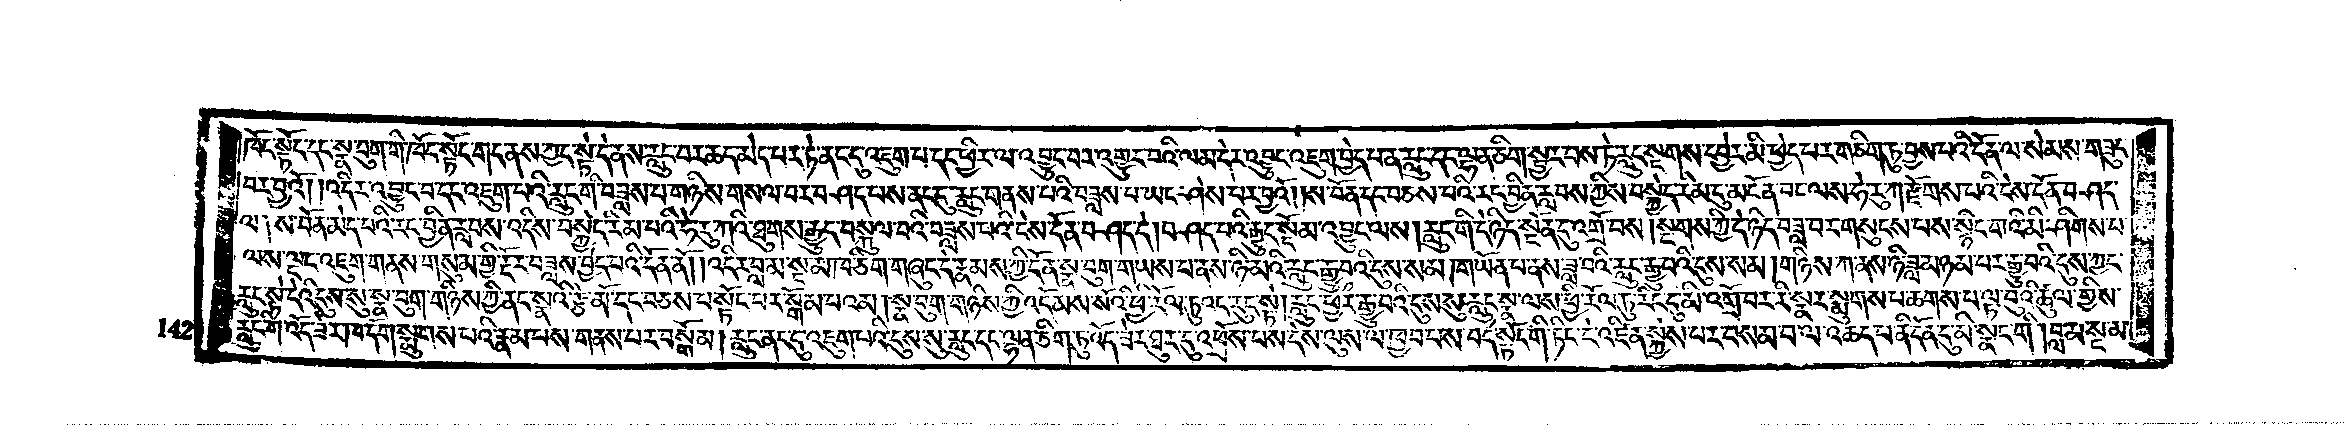ཁོང་སྟོང་དང་སྣ་བུག་གི་ཁོང་སྟོང་གང་ནས་ཀྱང་སྟེ་དེ་ནས་རླུང་བར་ཆད་མེད་པར་ཏེ་ནང་དུ་འཇུག་པ་དང་ཕྱིར་ལ་འབྱུང་བར་འགྱུར་བའི་ལམ་དེར་འབྱུང་འཇུག་བྱེད་པ་ན་རླུང་དང་ལྷན་ཅིག་སྦྱར་བས་ཏེ་རླུང་སྔགས་དབྱེར་མི་ཕྱེད་པར་གཅིག་ཏུ་བྱས་པའི་དོན་ལ་སེམས་གཟུང་
བར་བྱའོ། །འདིར་འབྱུང་བ་དང་འཇུག་པའི་རླུང་གི་བཟླས་པ་གཉིས་གསལ་བར་བཤད་པས་ནང་དུ་རླུང་གནས་པའི་བཟླས་པ་ཡང་ཤེས་པར་བྱའོ། །ས་བོན་དང་བཅས་པའི་རང་བྱིན་རླབས་ཀྱིས་བསྐྱེད་རིམ་དུ་མངོན་བྱང་ལས་ཧེ་རུ་ཀ་རྫོགས་པའི་ངེས་དོན་བཤད་
ལ། ས་བོན་མེད་པའི་རང་བྱིན་རླབས་འདིས་བསྐྱེད་རིམ་པའི་ཧེ་རུ་ཀའི་ཐུགས་རྒྱུད་བསྐུལ་བའི་བཟླས་པའི་ངེས་དོན་བཤད་དེ། བཤད་པའི་རྒྱུད་སྡོམ་འབྱུང་ལས། རླུང་གི་དེ་ཉིད་སྔོན་དུ་འགྲོ་བས། སྔགས་ཀྱི་དེ་ཉིད་བཟླ་བར་གསུངས་པས་སྙིང་གའི་མི་ཤིགས་པ་
ལས་ལྡང་འཇུག་གནས་གསུམ་གྱི་རྡོར་བཟླས་བྱེད་པའི་དོན་ནོ། །འདིར་བླ་མ་སྔ་མ་ཁ་ཅིག་གཞུང་དེ་རྣམས་ཀྱི་དོན་སྣ་བུག་གཡས་པ་ནས་ཉི་མའི་རླུང་རྒྱུ་བའི་དུས་སམ། གཡོན་པ་ནས་ཟླ་བའི་རླུང་རྒྱུ་བའི་དུས་སམ། གཉིས་ཀ་ནས་ཉི་ཟླ་མཉམ་པར་རྒྱུ་བའི་དུས་ཀྱང་
རླུང་སྟེ་དེའི་དུས་སུ་སྣ་བུག་གཉིས་ཀྱི་ནང་སྣའི་རྩེ་མོ་དང་བཅས་པ་སྟོང་པར་སྒོམ་པའམ། སྣ་བུག་གཉིས་ཀྱི་འདོམས་སོའི་ཕྱི་རོལ་ཏུའང་རུང་སྟེ། རླུང་ཕྱིར་རྒྱུ་བའི་དུས་སུ་རླུང་སྣ་ལས་ཕྱི་རོལ་དུ་མི་འགྲོ་བར་རི་སྣར་སྨུགས་པ་ཆགས་པ་ལྟ་བུའི་ཚུལ་གྱིས་
རླུང་གི་འོད་ཟེར་ཁ་དོག་སྨུགས་པའི་རྣམ་པར་གནས་པར་བསྒོམ། རླུང་ནང་དུ་འཇུག་པའི་དུས་སུ་རླུང་དང་ལྷན་ཅིག་ཏུ་འོད་ཟེར་ཐུང་དུ་འཕྲོས་པས་དེས་ལུས་ལ་ཁྱབ་པས་བདེ་སྟོང་གི་ཏིང་ངེ་འཛིན་སྐྱེས་པར་བསམ་བ་ལ་འཆད་པ་ནི་དོན་དུ་མི་སྣང་གི། བླ་མ་སྔ་མ་